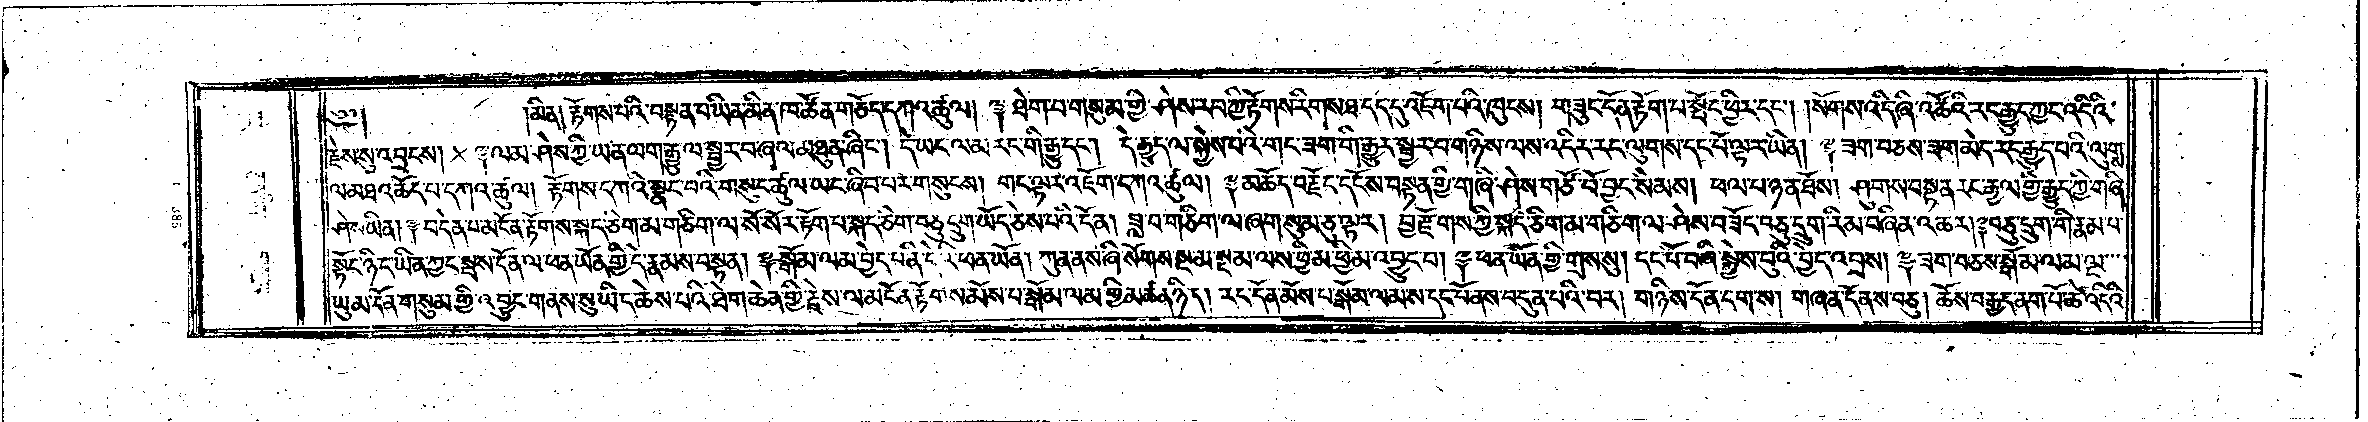༄༅། །མིན། རྟོགས་པའི་བསྟན་པ་ཡིན་མིན་ཁ་ཚོན་གཅོད་དཀའ་ཚུལ། ༈ ཐེག་པ་གསུམ་གྱི་ཤེས་རབ་ཀྱི་རྟོགས་རིགས་ཐ་དད་དུ་འཇོག་པའི་ཁུངས། གཟུང་དོན་རྟོག་པ་སྤོང་ཕྱིར་དང་། །སོགས་འདི་ཞི་འཚོའི་རང་རྒྱུད་ཀྱང་འདིའི་
རྗེས་སུ་འབྲངས། ྾་༈ ལམ་ཤེས་ཀྱི་ཡན་ལག་རྒྱུལ་སྦྱར་བཞལ་མཐུན་ཞིང་། དེ་ཡང་ལམ་རང་གི་རྒྱུ་དང་། དེ་རྒྱུད་ལ་སྐྱེས་པའི་གང་ཟག་གི་རྒྱུར་སྦྱར་བ་གཉིས་ལས་འདིར་རང་ལུགས་དང་པོ་ལྟར་ཡིན། ༈ ཟག་བཅས་ཟག་མེད་རང་རྒྱུད་པའི་ལུགས་
ལ་མཐའ་ཆོད་པ་དཀའ་ཚུལ། རྟོགས་དཀའི་སྣང་བའི་གསུང་ཚུལ་ཡང་ཞིབ་པར་གསུངས། གང་ལྟར་འཇོག་དཀའ་ཚུལ། ༈ མཆོད་བརྗོད་དངོས་བསྟན་གྱི་གཞི་ཤེས་གཙོ་བོ་བྱང་སེམས། ཕལ་བ་ཉན་ཐོས། ཤུགས་བསྟན་རང་རྒྱལ་གྱི་རྒྱུད་ཀྱི་གཞི་
ཤེས་ཡིན། ༈ བདེན་པ་མངོན་རྟོགས་སྐད་ཅིག་མ་གཅིག་ལ་སོ་སོར་རྟོག་པ་སྐད་ཅིག་བཅུ་དྲུག་ཡོད་ཅེས་པའི་དོན། ཟླ་བ་གཅིག་ལ་ཞག་སུམ་ཅུ་ལྟར། བྱ་རྫོགས་ཀྱི་སྐད་ཅིག་མ་གཅིག་ལ་ཤེས་བཟོད་བཅུ་དྲུག་རིམ་བཞིན་འཆར། ༈ བཅུ་དྲུག་གི་རྣམ་པ་
སྟོང་ཉིད་ཡིན་ཀྱང་སྦས་དོན་ལ་ཕན་ཡོན་གྱི་དེ་རྣམས་བསྟན། ༈ སྒོམ་ལམ་བྱེད་པ་ནི་དེའི་ཕན་ཡོན། ཀུན་ནས་ཞི་སོགས་སྔ་མ་སྔ་མ་ལས་ཕྱི་མ་ཕྱི་མ་འབྱུང་བ། ༈ ཕན་ཡོན་གྱི་གྲས་སུ། དང་པོ་བཞི་སྐྱེས་བུའི་བྱེད་འབྲས། ༈ ཟག་བཅས་སྒོམ་ལམ་ལྔ་
ཡུམ་དོན་གསུམ་གྱི་འབྱུང་གནས་སུ་ཡིད་ཆེས་པའི་ཐེག་ཆེན་གྱི་རྗེས་ལ་མངོན་རྟོགས་མོས་པ་སྒོམ་ལམ་གྱི་མཚན་ཉིད། རང་དོན་མོས་པ་སྒོམ་ལམ་ས་དང་པོ་ནས་བདུན་པའི་བར། གཉིས་དོན་དག་ས། གཞན་དོན་ས་བཅུ། ཆོས་བརྒྱད་ནག་པོ་ཚེ་འདིའི་